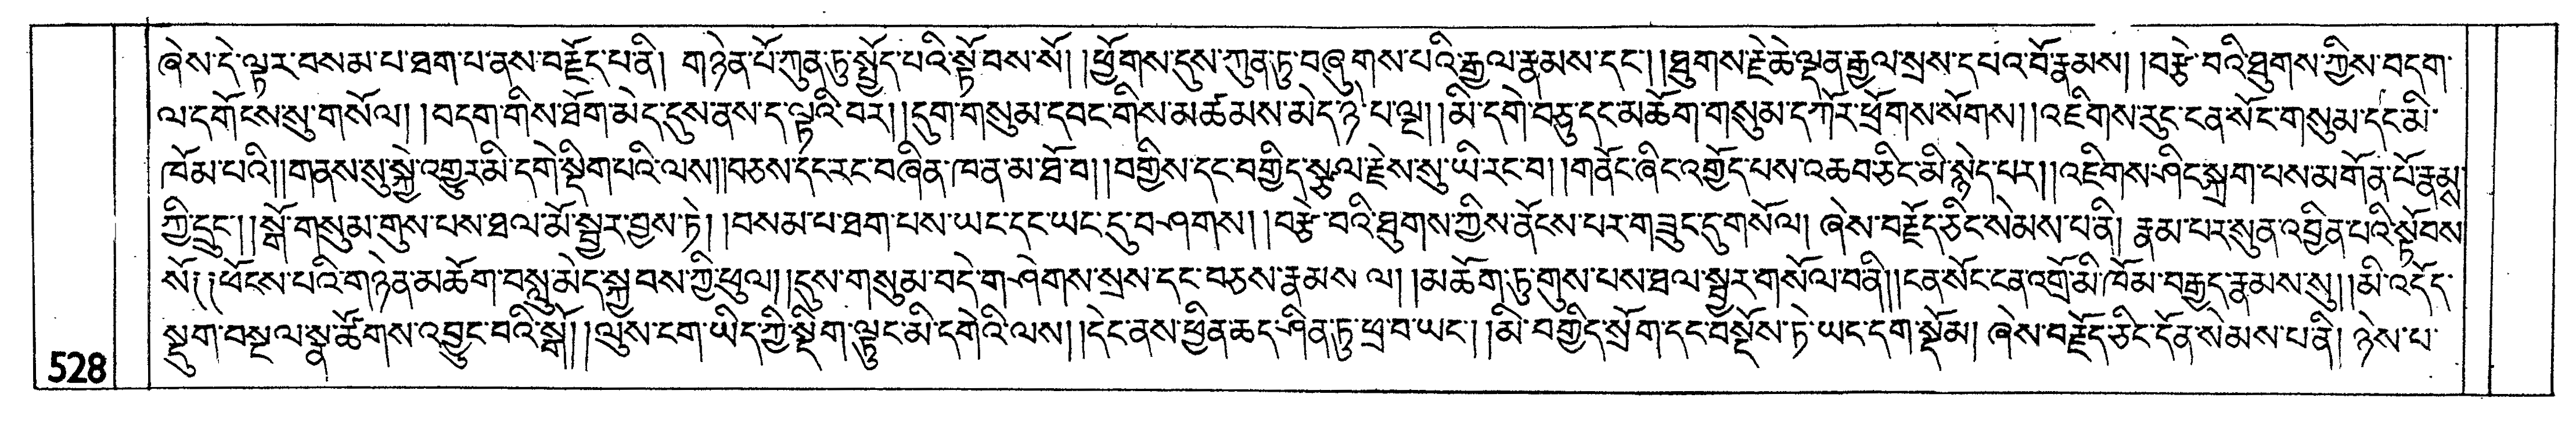ཞེས་དེ་ལྟར་བསམ་པ་ཐག་པ་ནས་བརྗོད་པ་ནི། གཉེན་པོ་ཀུན་ཏུ་སྤྱོད་པའི་སྟོབས་སོ། །ཕྱོགས་དུས་ཀུན་ཏུ་བཞུགས་པའི་རྒྱལ་རྣམས་དང་། །ཐུགས་རྗེ་ཆེ་ལྡན་རྒྱལ་སྲས་དཔའ་བོ་རྣམས། །བརྩེ་བའི་ཐུགས་ཀྱིས་བདག་
ལ་དགོངས་སུ་གསོལ། །བདག་གིས་ཐོག་མེད་དུས་ནས་ད་ལྟའི་བར། །དུག་གསུམ་དབང་གིས་མཚམས་མེད་ཉེ་པ་ལྔ། །མི་དགེ་བཅུ་དང་མཆོག་གསུམ་དཀོར་ཕྲོགས་སོགས། །འཇིགས་རུང་ངན་སོང་གསུམ་དང་མི་
ཁོམ་པའི། །གནས་སུ་སྐྱེ་འགྱུར་མི་དགེ་སྡིག་པའི་ལས། །བཅས་དང་རང་བཞིན་ཁ་ན་མ་ཐོ་བ། །བགྱིས་དང་བགྱིད་སྩལ་རྗེས་སུ་ཡི་རང་བ། །གནོང་ཞིང་འགྱོད་པས་འཆབ་ཅིང་མི་སྙེད་པར། །འཇིགས་ཤིང་སྐྲག་པས་མགོན་པོ་རྣམས་
ཀྱི་དྲུང་། །སྒོ་གསུམ་གུས་པས་ཐལ་མོ་སྦྱར་བྱས་ཏེ། །བསམ་པ་ཐག་པས་ཡང་དང་ཡང་དུ་བཤགས། །བརྩེ་བའི་ཐུགས་ཀྱིས་ནོངས་པར་གཟུང་དུ་གསོལ། ཞེས་བརྗོད་ཅིང་སེམས་པ་ནི། རྣམ་པར་སུན་འབྱིན་པའི་སྟོབས་
སོ༑ ༑ཕོངས་པའི་གཉེན་མཆོག་བསླུ་མེད་སྐྱབས་ཀྱི་ཕུལ། །དུས་གསུམ་བདེ་གཤེགས་སྲས་དང་བཅས་རྣམས་ལ། །མཆོག་ཏུ་གུས་པས་ཐལ་སྦྱར་གསོལ་བ་ནི། །ངན་སོང་ངན་འགྲོ་མི་ཁོམ་བརྒྱད་རྣམས་སུ། །མི་འདོད་
སྡུག་བསྔལ་སྣ་ཚོགས་འབྱུང་བའི་སྒོ། །ལུས་ངག་ཡིད་ཀྱི་སྡིག་ལྟུང་མི་དགེའི་ལས། །དེང་ནས་ཕྱིན་ཆད་ཤིན་ཏུ་ཕྲ་བ་ཡང་། །མི་བགྱིད་སྲོག་དང་བསྡོས་ཏེ་ཡང་དག་སྡོམ། ཞེས་བརྗོད་ཅིང་དོན་སེམས་པ་ནི། ཉེས་པ་